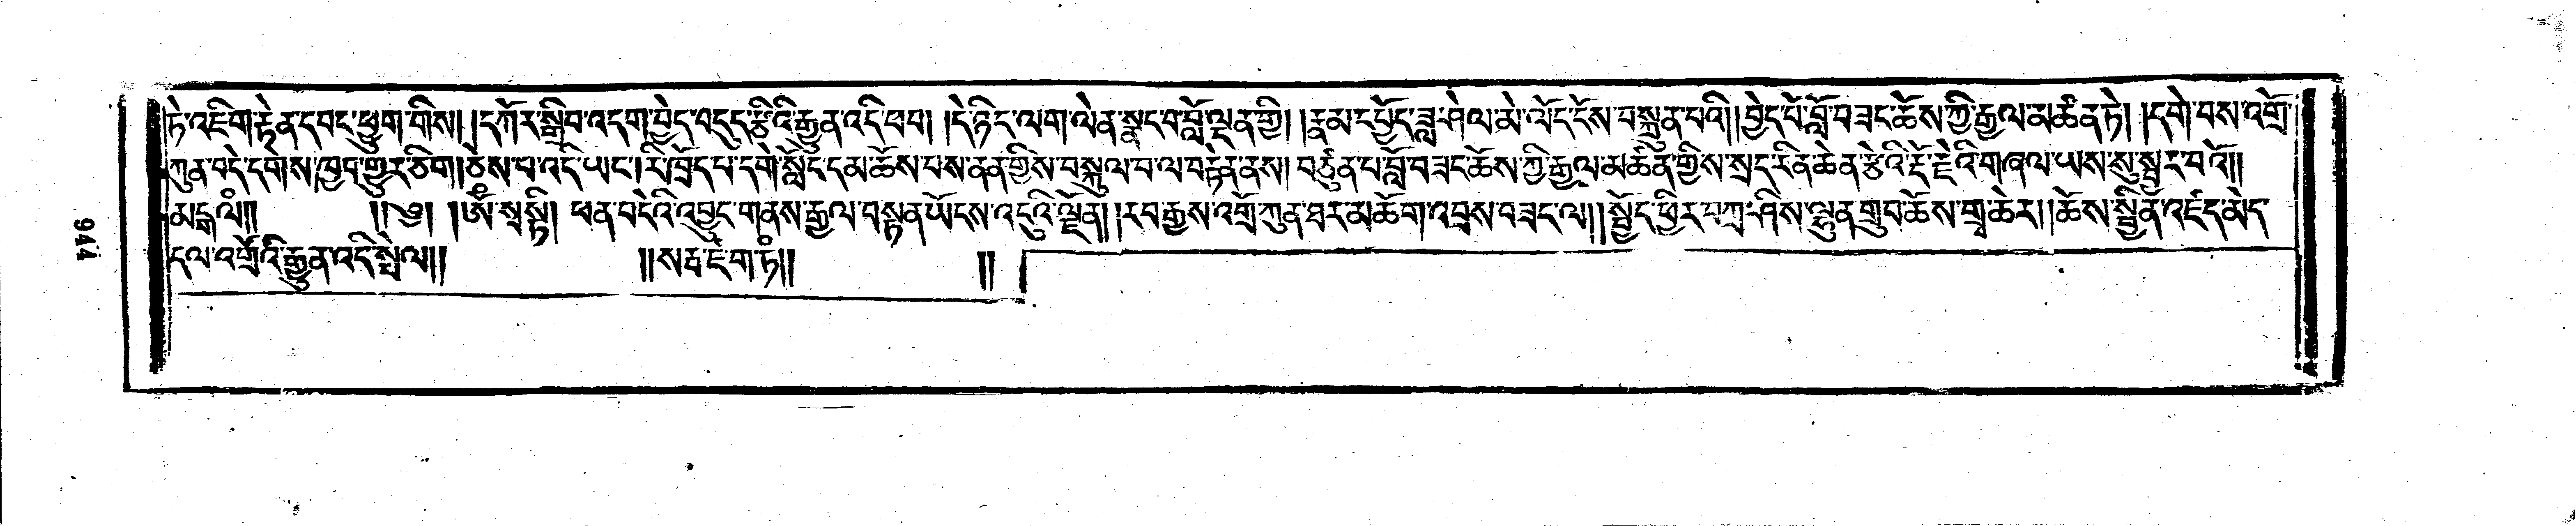ཏེ་འཇིག་རྟེན་དབང་ཕྱུག་གིས། །དཀོར་སྒྲིབ་འདག་བྱེད་བདུད་རྩིའི་རྒྱུན་འདི་ཕབ། །དེ་ཉིད་ལག་ལེན་སྣང་བ་བློ་ལྡན་གྱི། །རྣམ་དཔྱོད་ཟླ་ཤེལ་མེ་ལོང་ངོས་བསྐྲུན་པའི། །བྱེད་པོ་བློ་བཟང་ཆོས་ཀྱི་རྒྱལ་མཚན་ཏེ། །དགེ་བས་འགྲོ་
ཀུན་བདེ་དགས་ཁྱབ་གྱུར་ཅིག །ཅེས་པ་འདི་ཡང་། རི་ཁྲོད་པ་དགེ་སློང་དམ་ཆོས་པས་ནན་གྱིས་བསྐུལ་བ་ལ་བརྟེན་ནས། བཙུན་པ་བློ་བཟང་ཆོས་ཀྱི་རྒྱལ་མཚན་གྱིས་སྲད་རིན་ཆེན་རྩེའི་རྡོ་རྗེའི་གཞལ་ཡས་སུ་སྦྱར་བའོ། །
མངྒ་ལཾ།། །།༄༅། །ཨོཾ་སྭ་སྟི། ཕན་བདེའི་འབྱུང་གནས་རྒྱལ་བསྟན་ཡོངས་འདུའི་ལྗོན། །རབ་རྒྱས་འགྲོ་ཀུན་ཐར་མཆོག་འབྲས་བཟང་ལ། །སྤྱོད་ཕྱིར་བཀྲ་ཤིས་ལྷུན་གྲུབ་ཆོས་གྲྭ་ཆེར། །ཆོས་སྦྱིན་འཛད་མེད་
དལ་འགྲོའི་རྒྱུན་འདི་སྤེལ།། །།སརྦ་ཛ་ག་ཏཾ།། །།